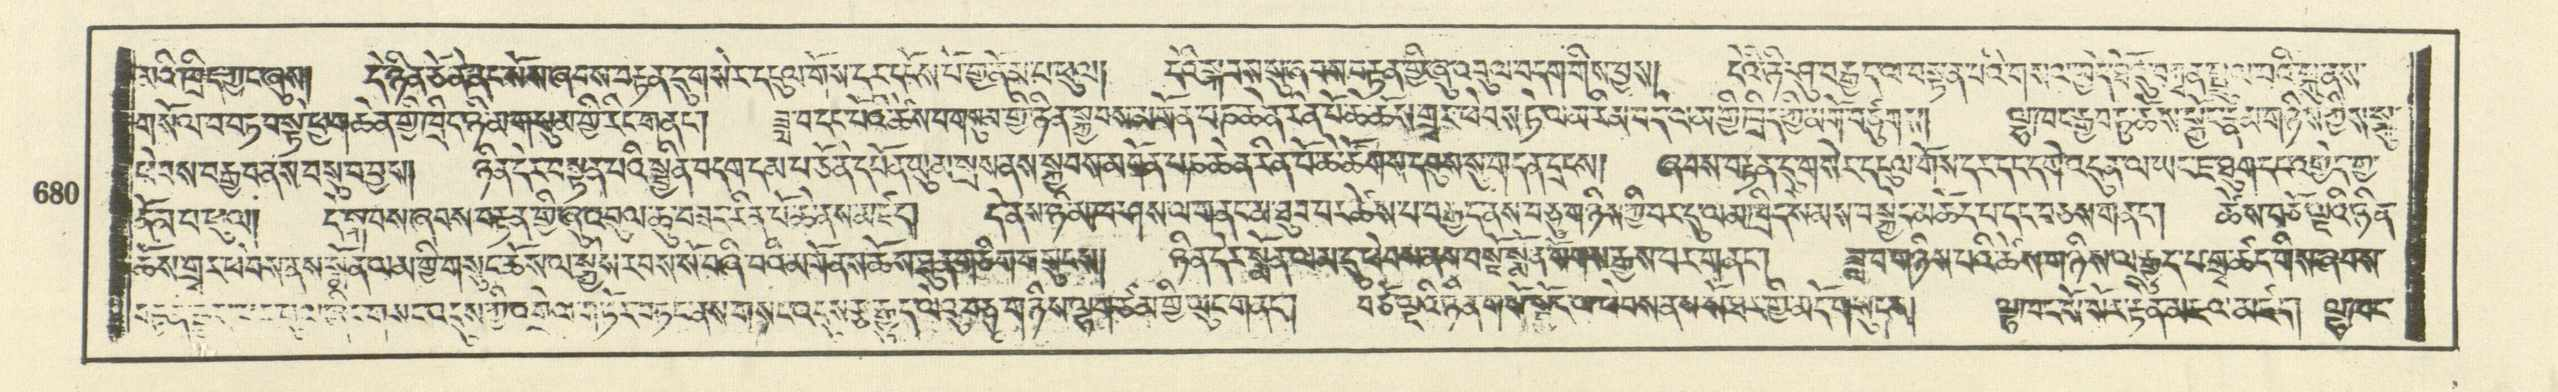མའི་ཁྲིད་ཀྱང་ཞུས། དེ་ཉིན་ཙེ་ནེ་ནང་སོས་ཞབས་བརྟན་དུ་གསེར་དངུལ་གོས་དར་དངོས་པོ་གྱ་ནོམ་པ་ཕུལ། དེའི་སྐབས་སུ་ཞབས་བརྟན་གྱི་ཞུ་འབུལ་བདག་གིས་བྱས། དེའི་ཉི་ཤུ་བརྒྱད་ལ་བསྟན་པའི་གསལ་བྱེད་ཐོའུ་བཀྭན་སྤྲུལ་བའི་སྐུ་ནས་
གསོལ་བ་བཏབ་སྟེ་ཕྱག་ཆེན་གྱི་ཁྲིད་ཉི་མ་གསུམ་གྱི་རིང་གནང་། ཟླ་བ་དང་པོའི་ཚེས་པ་གསུམ་གྱི་ཉིན་སྐྱབས་མགོན་པཎ་ཆེན་རིན་པོ་ཆེ་ཆོས་གྲྭར་ཕེབས་ཏེ་ལམ་རིམ་བདེ་ལམ་གྱི་ཁྲིད་ཀྱི་མགོ་བཙུགས། ལྷ་ཁང་རྒྱབ་ཏུ་ཆོས་སྐྱོང་རྣམ་གཉིས་ཀྱིས་སྐུ་
ཕེབས་བརྒྱབ་ནས་བསུ་བ་བྱས། ཉིན་དེར་བསྟན་པའི་སྦྱིན་བདག་དམ་པ་ཅོ་ནེ་དཔོན་ཡུམ་སྲས་ནས་སྐྱབས་མགོན་པཎ་ཆེན་རིན་པོ་ཆེ་ཚོགས་དབུས་སུ་གདན་དྲངས། ཞབས་བརྟན་དུ་གསེར་དངུལ་གོས་དར་དང་དགེ་འདུན་ལ་ཡང་ཇ་ཐུག་དང་འགྱེད་གྱ་
ནོམ་པ་ཕུལ། དེ་སྐབས་ཞབས་བརྟན་གྱི་ཞུ་འབུལ་ཆུ་བཟང་རིན་པོ་ཆེ་ནས་མཛད། དེ་ནས་ཉི་མ་ཁ་ཤས་ལ་གནང་མ་ཐུབ་པར་ཚེས་པ་བརྒྱད་ནས་བཅུ་གཉིས་ཀྱི་བར་དུ་ལམ་ཁྲིད་སེམས་བསྐྱེད་མཆོད་པ་དང་བཅས་གནང་། ཚེས་བཅོ་ལྔའི་ཉིན་
ཆོས་གྲྭར་ཕེབས་ནས་སྨོན་ལམ་གྱི་གསུང་ཆོས་ལ་སྐྱེས་རབས་སོ་བཞི་པའི་མགོ་ནས་ཆོས་ཐུན་གཅིག་གསུངས། ཉིན་དེར་སྨོན་ལམ་དུ་ཕེབས་ནས་བསྔོ་སྨོན་སོགས་རྒྱས་པར་གནང་། ཟླ་བ་གཉིས་པའི་ཚེས་གཉིས་ལ་རྒྱུད་པ་གྲྭ་ཚང་གིས་ཞབས་
བརྟན་རྒྱས་པར་ཕུལ་ཞིང་གསང་འདུས་ཀྱི་འགྲེལ་གཏོར་བཏང་ནས་གསང་འདུས་རྩ་རྒྱུད་ལེའུ་བཅུ་གཉིས་ལྷག་ཙམ་གྱི་ལུང་གནང་། བཅོ་ལྔའི་ཉིན་གསོ་སྦྱོང་ལ་ཕེབས་ནས་སོ་ཐར་གྱི་མདོ་གསུངས། ལྷ་ཁང་སོ་སོར་རྟེན་མཇལ་མཛད། ལྷ་ཁང་